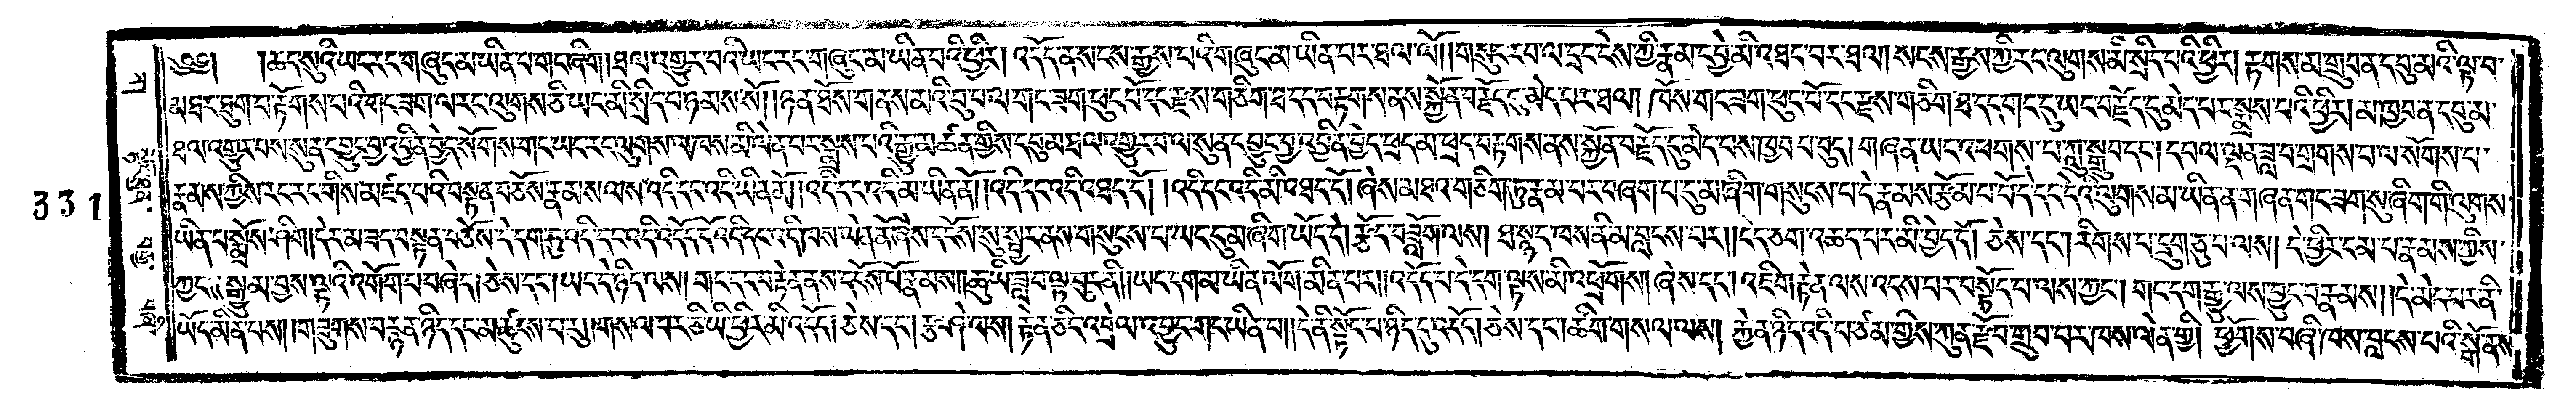༄༅། །ཆད་སུའི་ཡང་རང་གཞུང་མ་ཡིན་པ་གང་ཞིག། ཐལ་འགྱུར་བའི་ཡང་རང་གཞུང་མ་ཡིན་པའི་ཕྱིར། འདོད་ན་སངས་རྒྱས་པའི་གཞུང་མ་ཡིན་པར་ཐལ་ལོ། །གསུང་རབ་ལ་དྲང་ངེས་ཀྱི་རྣམ་དབྱེ་མི་འཐད་པར་ཐལ། སངས་རྒྱས་ཀྱི་རང་ལུགས་མི་སྲིད་པའི་ཕྱིར། རྟགས་མ་གྲུབ་ན་དབུ་མའི་ལྟ་བ་
མཐར་ཐུག་བ་རྟོགས་པའི་གང་ཟག་ལ་རང་ལུགས་ཅི་ཡང་མི་སྲིད་པ་ཉམས་སོ། །ཉན་ཐོས་གནས་མའི་བུ་པ་ལ་གང་ཟག་ཕུང་པོ་དང་རྫས་གཅིག་ཐ་དད་བརྟགས་ནས་སྐྱོན་བརྗོད་དུ་མེད་པར་ཐལ། ཁོས་གང་ཟག་ཕུང་པོ་དང་རྫས་གཅིག་ཐ་དད་གང་དུ་ཡང་བརྗོད་དུ་མེད་པར་སྨྲས་པའི་ཕྱིར། མ་ཁྱབ་ན་དབུ་མ་
ཐལ་འགྱུར་བས་སུན་དབྱུང་བྱ་འབྱིན་བྱེད་སོགས་གང་ཡང་རང་ལུགས་ལ་ཁས་མི་ལེན་པར་སྨྲས་པའི་རྒྱུ་མཚན་གྱིས་དབུ་མ་ཐལ་འགྱུར་བ་ལ་སུན་དབྱུང་བྱ་འབྱིན་བྱེད་ཕྲད་མ་ཕྲད་བརྟགས་ནས་སྐྱོན་བརྗོད་དུ་མེད་པས་ཁྱབ་བ་བུད། གཞན་ཡང་འཕགས་པ་ཀླུ་སྒྲུབ་དང་། དཔལ་ལྡན་ཟླ་བ་གྲགས་པ་ལ་སོགས་པ་
རྣམས་ཀྱིས་རང་རང་གིས་མཛད་པའི་བསྟན་བཅོས་རྣམས་ལས་འདི་དང་འདི་ཡིན་ནོ། །འདི་དང་འདི་མ་ཡིན་ནོ། །འདི་དང་འདི་འཐད་དོ། །འདི་དང་འདི་མི་འཐད་དོ། ཞེས་མཐའ་གཅིག་ཏུ་རྣམ་པར་བཞག་པ་དུ་མ་ཞིག་གསུངས་པ་དེ་རྣམས་རྩོམ་པ་པོ་དེ་དང་དེའི་ལུགས་མ་ཡིན་ན་གཞན་གང་ཟག་སུ་ཞིག་གི་ལུགས་
ཡིན་པ་སྨྲོས་ཤིག །དེར་མ་ཟད་བསྟན་བཅོས་དེ་དག་ཏུ་འདི་དང་འདི་འདོད་འདི་དང་འདི་ཁས་ལེན་ནོ་ཞེས་དངོས་སུ་སྦྱར་ནས་གསུངས་པ་ཡང་དུ་མ་ཞིག་ཡོད་དེ། རྩོད་བཟློག་ལས། ཐ་སྙད་ཁས་ནི་མ་བླངས་པར། །ངེད་ཅག་འཆད་པར་མི་བྱེད་དོ། ཅེས་དང་། རིགས་པ་དྲུག་ཅུ་པ་ལས། དེ་ཕྱིར་དམ་པ་རྣམས་ཀྱིས་
ཀྱང༑ ༑སྒྱུ་མ་བྱས་ལྟའི་འགོག་པ་བཞེད། ཅེས་དང་། ཡང་དེ་ཉིད་ལས། གང་དང་བརྟེན་ནས་དངོས་པོ་རྣམས། །ཆུ་ཡི་ཟླ་བ་ལྟ་བུར་ནི། །ཡང་དག་མ་ཡིན་ལོག་མིན་པར། །འདོད་པ་དེ་དག་ལྟས་མི་འཕྲོགས། ཞེས་དང་། འཇིག་རྟེན་ལས་འདས་པར་བསྟོད་པ་ལས་ཀྱང་། གང་དག་རྒྱུ་ལས་བྱུང་བ་རྣམས། །དེ་མེད་པར་ནི་
ཡོད་མིན་པས། །གཟུགས་བརྙན་ཉིད་དང་མཚུངས་པ་རུ། །གསལ་བར་ཅི་ཡི་ཕྱིར་མི་འདོད། ཅེས་དང་། རྩ་ཤེ་ལས། རྟེན་ཅིང་འབྲེལ་འབྱུང་གང་ཡིན་བ། །དེ་ནི་སྟོང་པ་ཉིད་དུ་འདོད། ཅེས་དང་། ཚིག་གསལ་ལས། རྐྱེན་ཉིད་འདི་པ་ཙམ་གྱིས་ཀུན་རྫོབ་གྲུབ་པར་ཁས་ལེན་གྱི། ཕྱོགས་བཞི་ཁས་བླངས་པའི་སྒོ་ནས་